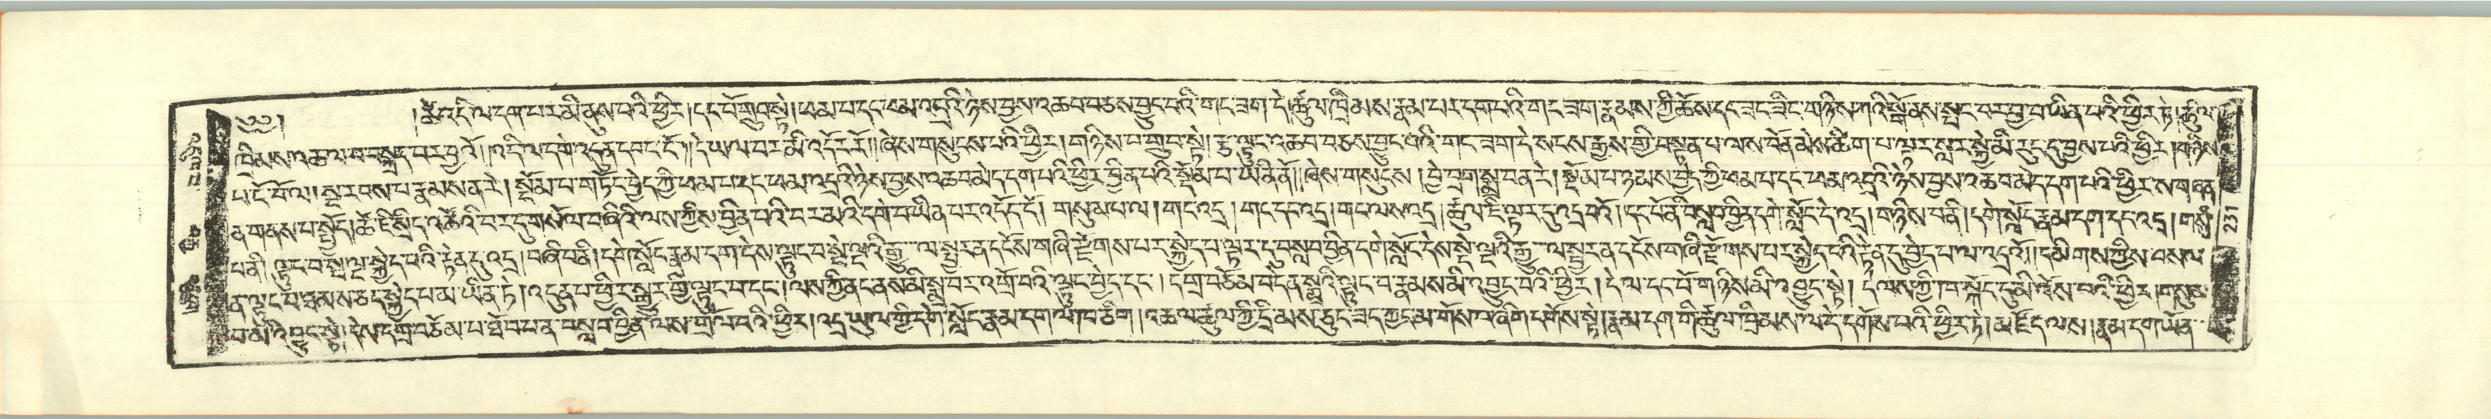༄༅། །ཚེ་འདི་ལ་དག་པར་མི་ནུས་བའི་ཕྱིར། དང་པོ་གྲུབ་སྟེ། ཕམ་པ་དང་ཕམ་འདྲའི་ཉེས་བྱས་འཆབ་བཅས་བྱུང་བའི་གང་ཟག་དེ། ཚུལ་ཁྲིམས་རྣམ་པར་དག་པའི་གང་ཟག་རྣམས་ཀྱི་ཆོས་དང་ཟང་ཟིང་གཉིས་ཀའི་སྒོ་ནས་སྤང་བར་བྱ་བ་ཡིན་པའི་ཕྱིར་ཏེ། ཚུལ་
ཁྲིམས་འཆལ་བ་བསྐྲད་པར་བྱའོ། །འདི་ལ་དགེ་འདུན་དབང་ངོ། །དེ་ཡལ་བར་མི་འདོར་རོ། །ཞེས་གསུངས་པའི་ཕྱིར། གཉིས་པ་གྲུབ་སྟེ། རྩ་ལྟུང་འཆབ་བཅས་བྱུང་བའི་གང་ཟག་དེ་སངས་རྒྱས་གྱི་བསྟན་པ་ལས་བོན་མེས་ཚིག་པ་ལྟར་སླར་སྐྱེ་མི་རུང་དུ་བྱས་པའི་ཕྱིར། གཉིས་
པ་ངོ་བོ་ལ། སྔ་རབས་པ་རྣམས་ན་རེ། སྡོམ་པ་གཏོང་བྱེད་ཀྱི་ཕམ་པ་དང་ཕམ་འདྲའི་ཉེས་བྱས་འཆབ་མེད་དག་པའི་ཕྱིར་བྱིན་པའི་སྡོམ་པ་ཡིན་ནོ། །ཞེས་གསུངས། བྱེ་བྲག་སྨྲ་བ་ན་རེ། སྡོམ་པ་ཉམས་བྱེད་ཀྱི་ཕམ་པ་དང་ཕམ་འདྲའི་ཉེས་བྱས་འཆབ་མེད་དག་པའི་ཕྱིར། ས་གཞན་
ན་གནས་པ་སྤྱོད། ཚེ་ཇི་སྲིད་འཚོའི་བར་དུ་གསོལ་བཞིའི་ལས་ཀྱིས་བྱིན་པའི་བར་མའི་དགེ་བ་ཡིན་པར་འདོད་དོ། གསུམ་པ་ལ། གང་འདྲ། གང་དང་འདྲ། གང་ལས་འདྲ། ཚུལ་ཇི་ལྟར་དུ་འདྲ་བའོ། །དང་པོ་ནི་བསླབ་བྱིན་དགེ་སློང་དེ་འདྲ། གཉིས་པ་ནི། དགེ་སློང་རྣམ་དག་དང་འདྲ། གསུམ་
པ་ནི། ལྟུང་བ་སྤ་ལྔ་སྐྱེད་པའི་རྟེན་དུ་འདྲ། བཞི་པ་ནི། དགེ་སློང་རྣམ་དག་དེས་ལྟུང་བ་སྡེ་ལྔའི་རྒྱུ་ལ་སྤྱར་ན་དངོས་གཞི་རྫོགས་པར་སྐྱེད་པ་ལྟར་དུ་བསླབ་བྱིན་དགེ་སློང་དེས་སྡེ་ལྔའི་རྒྱུ་ལ་སྦྱར་ན་དངོས་གཞི་རྫོགས་པར་སྐྱེད་པའི་རྟེན་དུ་བྱེད་པ་ལ་འདྲའོ། །དམིགས་ཀྱིས་བསལ་
ན་ལྟུང་བ་ཐམས་ཅད་སྐྱེད་པ་མ་ཡིན་ཏེ། འདུན་པ་ཕྱིར་སྒྱུར་གྱི་ལྟུང་བ་དང་། ལས་ཀྱི་ནང་ནས་མི་སྨྲ་བར་འགྲོ་བའི་ལྟུང་བྱེད་དང་། དགྲ་བཅོམ་བདེན་སྨྲའི་ལྟུང་བ་རྣམས་མི་འབྱུང་བའི་ཕྱིར། དེ་ལ་དང་པོ་གཉིས་མི་འབྱུང་སྟེ། དེ་ལས་ཀྱི་ཁ་སྐོང་དུ་མི་འོས་པའི་ཕྱིར། གསུམ་
པ་མི་འབྱུང་སྟེ། དེས་དགྲ་བཅོམ་པ་ཐོབ་པ་ན་བསླབ་བྱིན་ལས་གྲོལ་བའི་ཕྱིར། འདྲ་ཡུལ་གྱི་དགེ་སློང་རྣམ་དག་ལ་ཁ་ཅིག །འཆལ་ཚུལ་ཀྱི་དྲི་མས་ཅུང་ཟད་ཀྱང་མ་གོས་པ་ཞིག་དགོས་སྟེ། རྣམ་དག་གི་ཚུལ་ཁྲིམས་ལ་དེ་དགོས་པའི་ཕྱིར་ཏེ། མཛོད་ལས། རྣམ་དག་ཡོན་